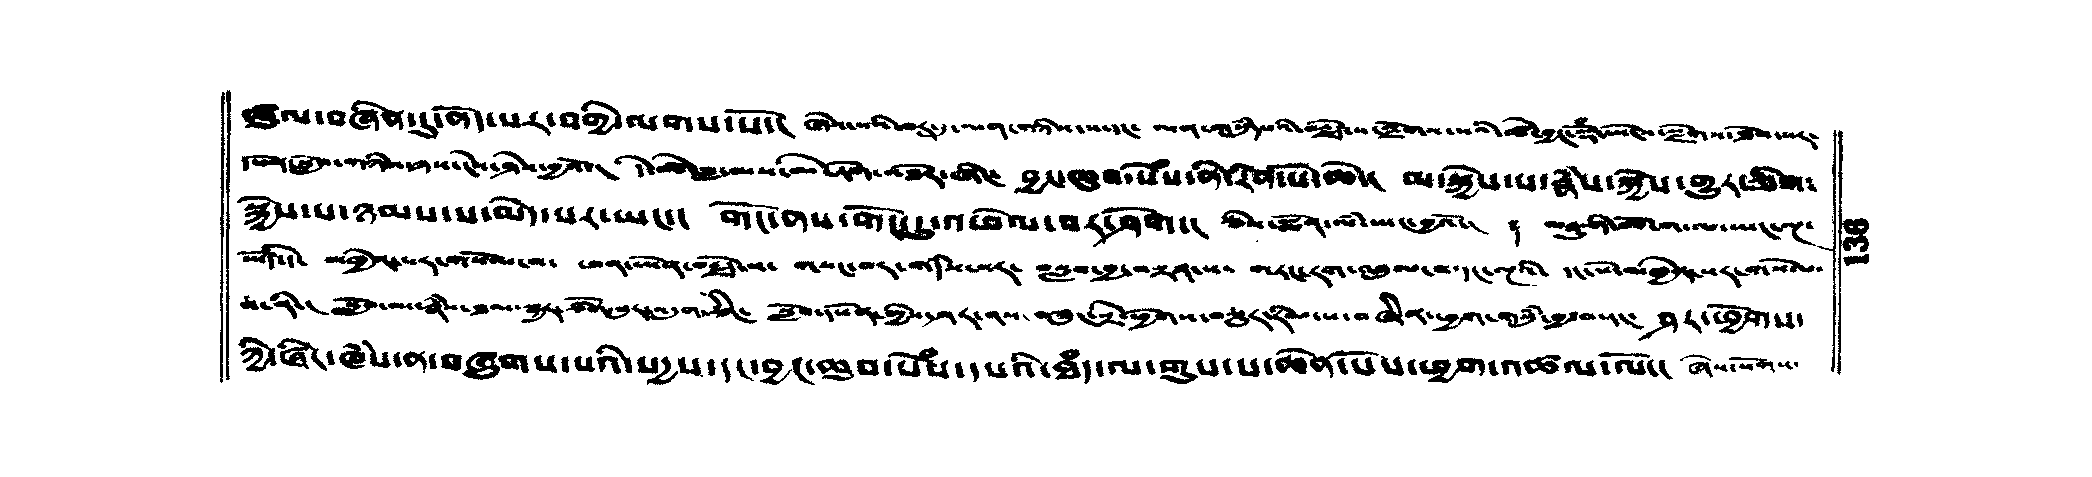ཚུལ་བཞིན་དུ་ནོད་པར་བགྱི་ལགས་སོ། ཞེས་པའི་བར་དུ་ལག་གཉིས་པ་དང་། ལན་གསུམ་པའི་བརྗོད་པ་རྫོགས་པའི་ཚེ་བྱང་སྡོམ་ཡོངས་རྫོགས་ཐོབ་པར་
དཔོན་སློབ་གཉིས་ཀས་ངེས་ཤེས་བྱའོ། དེ་ཚེ་བླ་མས་མེ་ཏོག་འཐོར་ཞིང་། བྱང་ཆུབ་སེམས་ནི་རིན་པོ་ཆེ། མ་སྐྱེས་པ་རྣམས་སྐྱེས་གྱུར་ཅིག 
སྐྱེས་པ་ཉམས་པ་མེད་པར་ཡང་། གོང་ནས་གོང་དུ་འཕེལ་བར་ཤོག ཅེས་སྨོན་ལམ་ཡང་བྱའོ། ༈ མཇུག་གི་ཆོ་ག་ལ་ཡང་ལྔ་
ཡོད་དེ། མཁྱེན་པར་གསོལ་བ། ཕན་ཡོན་བརྗོད་པ། གསང་བར་གདམས་པར། བསླབ་བྱ་བསྟན་པ། གཏང་རག་འབུལ་བ་དང་ལྔའི། དང་པོ་མཁྱེན་པར་གསོལ་
བ་ནི། སློབ་མ་རྣམས་ཐལ་སྦྱར་ཙོག་པུར་འདུག་ཅིང་། སློབ་དཔོན་གྱིས་ཤར་ནས་བཟུང་སྟེ་ཕྱོགས་བཅུར་རིམ་པ་བཞིན་ཕྱག་གསུམ་བྱ་བ་དང་། ཤར་ཕྱོགས་
ཀྱི་ཞིང་ཁམས་ན་བཞུགས་པའི་སངས་རྒྱས་དང་བྱང་ཆུབ་སེམས་དཔའི་ཐམས་ཅད་ལ་གུས་པ་ཆེན་པོས་ཕྱག་འཚལ་ལོ། ཞེས་སོགས་